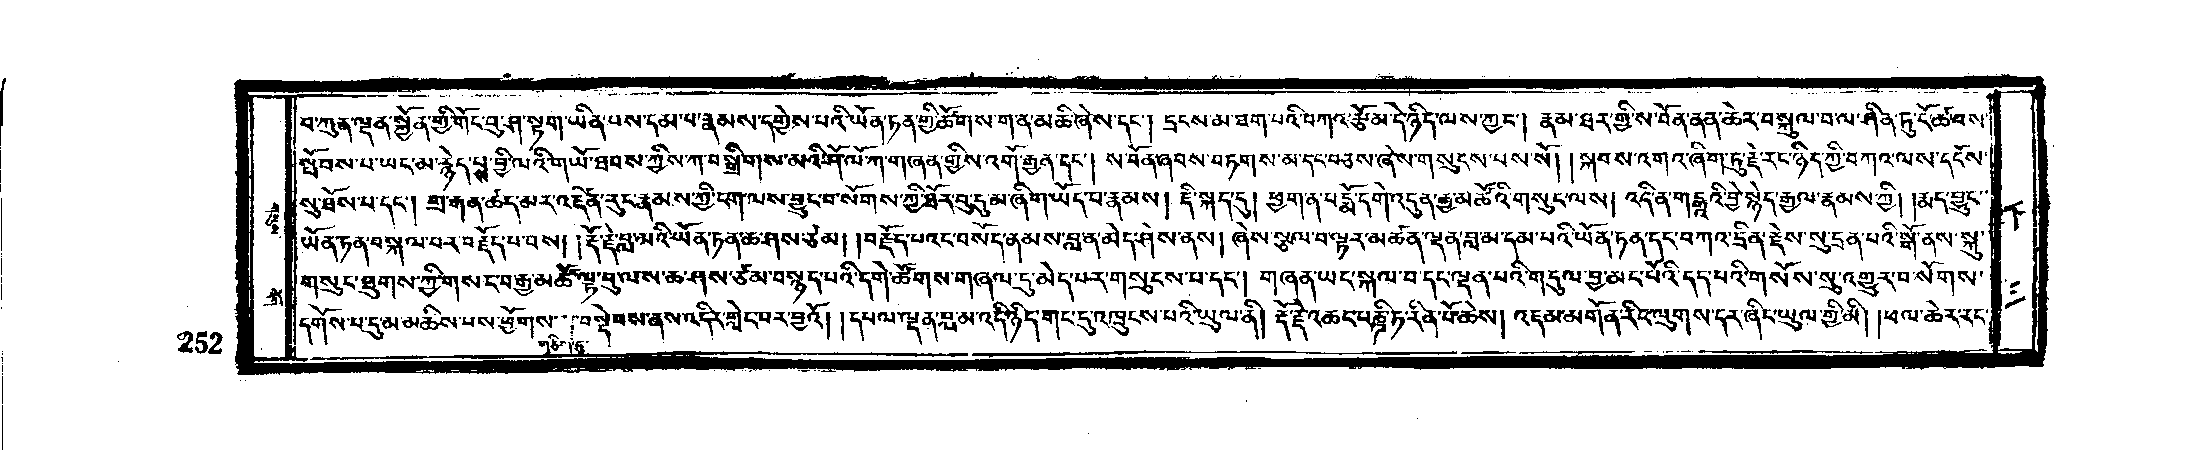བ་ཀུན་ལྡན་སྐྱོན་གྱི་གོང་བུ་ཤ་སྟག་ཡིན་པས་དམ་པ་རྣམས་དགྱེས་པའི་ཡོན་ཏན་གྱི་ཚོགས་ག་ན་མཆི་ཞེས་དང་། དྲངས་མ་ཐག་པའི་བཀའ་རྩོམ་དེ་ཉིད་ལས་ཀྱང་། རྣམ་ཐར་གྱི་ས་བོན་ནན་ཆེར་བསྐུལ་བ་ལ་ཤིན་ཏུ་ངོ་ཚ་བས་
སྤོབས་པ་ཡང་མ་རྙེད་པས་བྱི་ལའི་གཡོ་ཐབས་ཀྱིས་ཀ་བསྒྲིགས་མའི་ཤོ་ལོ་ཀ་གཞན་གྱིས་འགོ་རྒྱན་དང་། ས་བོན་ཞབས་བཏགས་མ་དང་བཅས་ཞེས་གསུངས་པས་སོ། །སྐབས་འགའ་ཞིག་ཏུ་རྗེ་རང་ཉིད་ཀྱི་བཀའ་ལས་དངོས་
སུ་ཐོས་པ་དང་། གྲ་རྒན་ཚད་མར་འཛིན་རུང་རྣམས་ཀྱི་ངག་ལས་བྱུང་བ་སོགས་ཀྱི་ཐོར་བུ་དུ་མ་ཞིག་ཡོད་པ་རྣམས། ཇི་སྐད་དུ། ཕྱག་ན་པདམོ་དགེ་འདུན་རྒྱ་མཚོའི་གསུང་ལས། འདི་ན་གངྒཱའི་བྱེ་སྙེད་རྒྱལ་རྣམས་ཀྱི། །རྨད་བྱུང་
ཡོན་ཏན་བསྐལ་བར་བརྗོད་པ་བས། །རྡོ་རྗེ་བླ་མའི་ཡོན་ཏན་ཆ་ཤས་ཙམ། །བརྗོད་པའང་བསོད་ནམས་བླ་ན་མེད་ཤེས་ནས། ཞེས་སྩལ་བ་ལྟར་མཚན་ལྡན་བླ་མ་དམ་པའི་ཡོན་ཏན་དང་བཀའ་དྲིན་རྗེས་སུ་དྲན་པའི་སྒོ་ནས་སྐུ་
གསུང་ཐུགས་ཀྱི་གསང་བ་རྒྱ་མཚོ་ལྟ་བུ་ལས་ཆ་ཤས་ཙམ་བསྙད་པའི་དགེ་ཚོགས་གཞལ་དུ་མེད་པར་གསུངས་པ་དང་། གཞན་ཡང་སྐལ་བ་དང་ལྡན་པའི་གདུལ་བྱ་མང་པོའི་དད་པའི་གསོས་སུ་འགྱུར་བ་སོགས་
དགོས་པ་དུ་མ་མཆིས་པས་ཕྱོགས་གཅིག་ཏུ་བསྡེབས་ནས་འདིར་གླེང་བར་བྱའོ། །དཔལ་ལྡན་བླ་མ་འདི་ཉིད་གང་དུ་འཁྲུངས་པའི་ཡུལ་ནི། རྡོ་རྗེ་འཆང་པཎྜི་ཏ་རིན་པོ་ཆེས། འཇམ་མགོན་རིང་ལུགས་དར་ཞིང་ཡུལ་གྱི་མི། །ཕལ་ཆེར་རང་